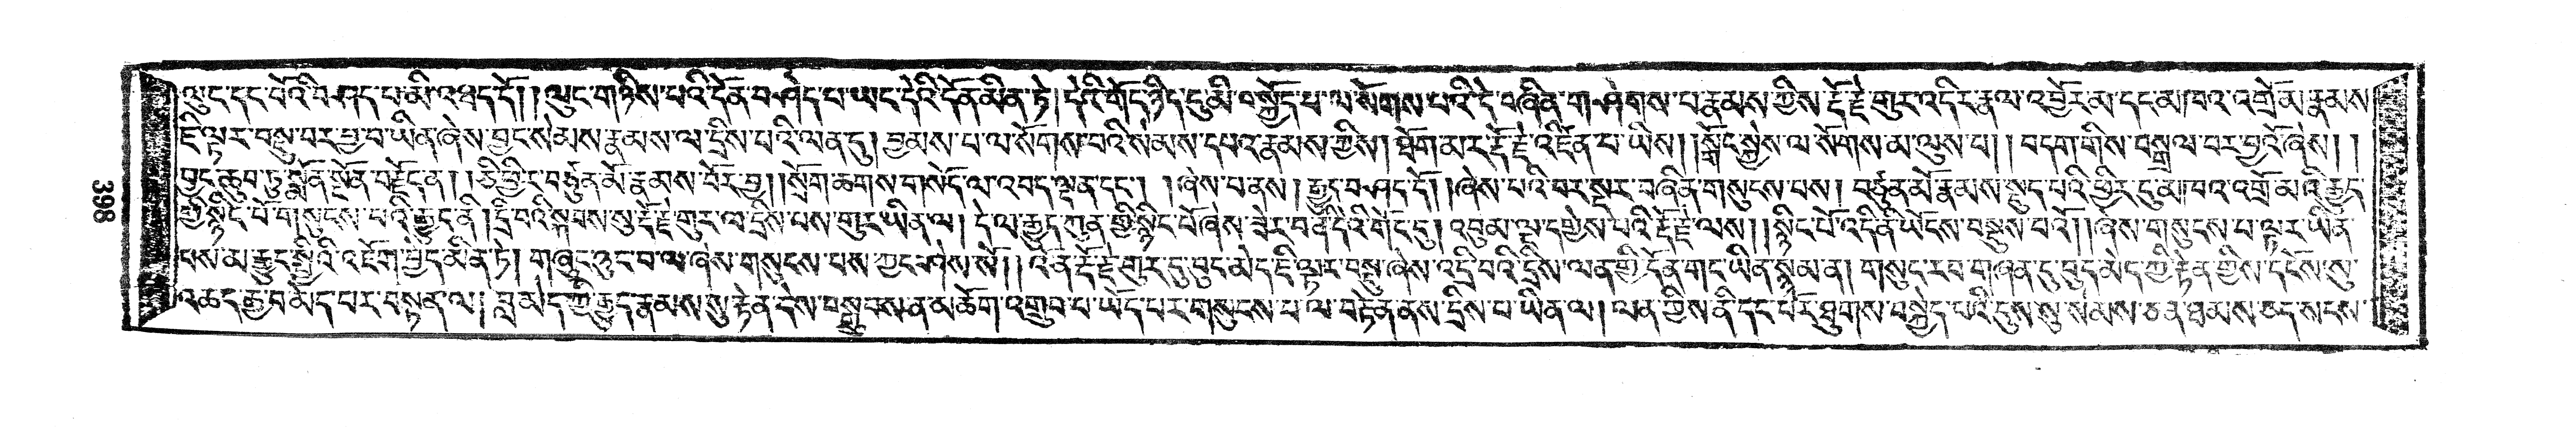ལུང་དང་པོའི་བཤད་པ་མི་འཐད་དོ། །ལུང་གཉིས་པའི་དོན་བཤད་པ་ཡང་དེའི་དོན་མིན་ཏེ། དེའི་གོང་ཉིད་དུ་མི་བསྐྱོད་པ་ལ་སོགས་པའི་དེ་བཞིན་གཤེགས་པ་རྣམས་ཀྱིས་རྡོ་རྗེ་གུར་འདིར་རྣལ་འབྱོར་མ་དང་མཁའ་འགྲོ་མ་རྣམས་
ཇི་ལྟར་བསྡུ་བར་བྱ་བ་ཡིན་ཞེས་བྱང་སེམས་རྣམས་ལ་དྲིས་པའི་ལན་དུ། བྱམས་པ་ལ་སོགས་པའི་སེམས་དཔའ་རྣམས་ཀྱིས། ཐོག་མར་རྡོ་རྗེ་འཛིན་པ་ཡིས། །སྒོང་སྐྱེས་ལ་སོགས་མ་ལུས་པ། །བདག་གིས་བསྒྲལ་པར་བྱའོ་ཞེས། །
བྱང་ཆུབ་ཏུ་སྨོན་སྔོན་བརྗོད་ན། །ཅི་ཕྱིར་བཙུན་མོ་རྣམས་པོར་བྱ། །སྲོག་ཆགས་གསོད་ལ་འབད་ལྡན་དང་། །ཞེས་པ་ནས། རྒྱུད་བཤད་དོ། །ཞེས་པའི་བར་སྔར་བཞིན་གསུངས་པས། བཙུན་མོ་རྣམས་སྡུད་པའི་ཕྱིར་དུ་མཁའ་འགྲོ་མའི་རྒྱུད་
ཀྱི་སྙིང་པོ་གསུངས་པའི་རྒྱུད་ནི། དྲི་བའི་སྐབས་སུ་རྡོ་རྗེ་གུར་ལ་དྲིས་པས་གུར་ཡིན་ལ། དེ་ལ་རྒྱུད་ཀུན་གྱི་སྙིང་པོ་ཞེས་ཟེར་བ་ནི་དེའི་གོང་དུ། འབུམ་ལྔ་དགྱེས་པའི་རྡོ་རྗེ་ལས། །སྙིང་པོ་འདི་ནི་ཡོངས་བསྡུས་པའོ། །ཞེས་གསུངས་པ་ལྟར་ཡིན་
པས་མ་རྒྱུད་སྤྱིའི་འཇོག་བྱེད་མིན་ཏེ། གཞུང་ཉུང་བ་ལ་ཞེས་གསུངས་པས་ཀྱང་ཤེས་སོ། །འོ་ན་རྡོ་རྗེ་གུར་དུ་བུད་མེད་ཇི་ལྟར་བསྡུ་ཞེས་འདྲི་བའི་དྲིས་ལན་གྱི་དོན་གང་ཡིན་སྙམ་ན། གསུང་རབ་གཞན་དུ་བུད་མེད་ཀྱི་རྟེན་གྱིས་དངོས་སུ་
འཚང་རྒྱ་བ་མེད་པར་བསྟན་ལ། བླ་མེད་ཀྱི་རྒྱུད་རྣམས་སུ་རྟེན་དེས་བསྒྲུབས་ན་མཆོག་འགྲུབ་པ་ཡོད་པར་གསུངས་པ་ལ་བརྟེན་ནས་དྲིས་པ་ཡིན་ལ། ལན་གྱིས་ནི་དང་པོར་ཐུགས་བསྐྱེད་པའི་དུས་སུ་སེམས་ཅན་ཐམས་ཅད་སངས་